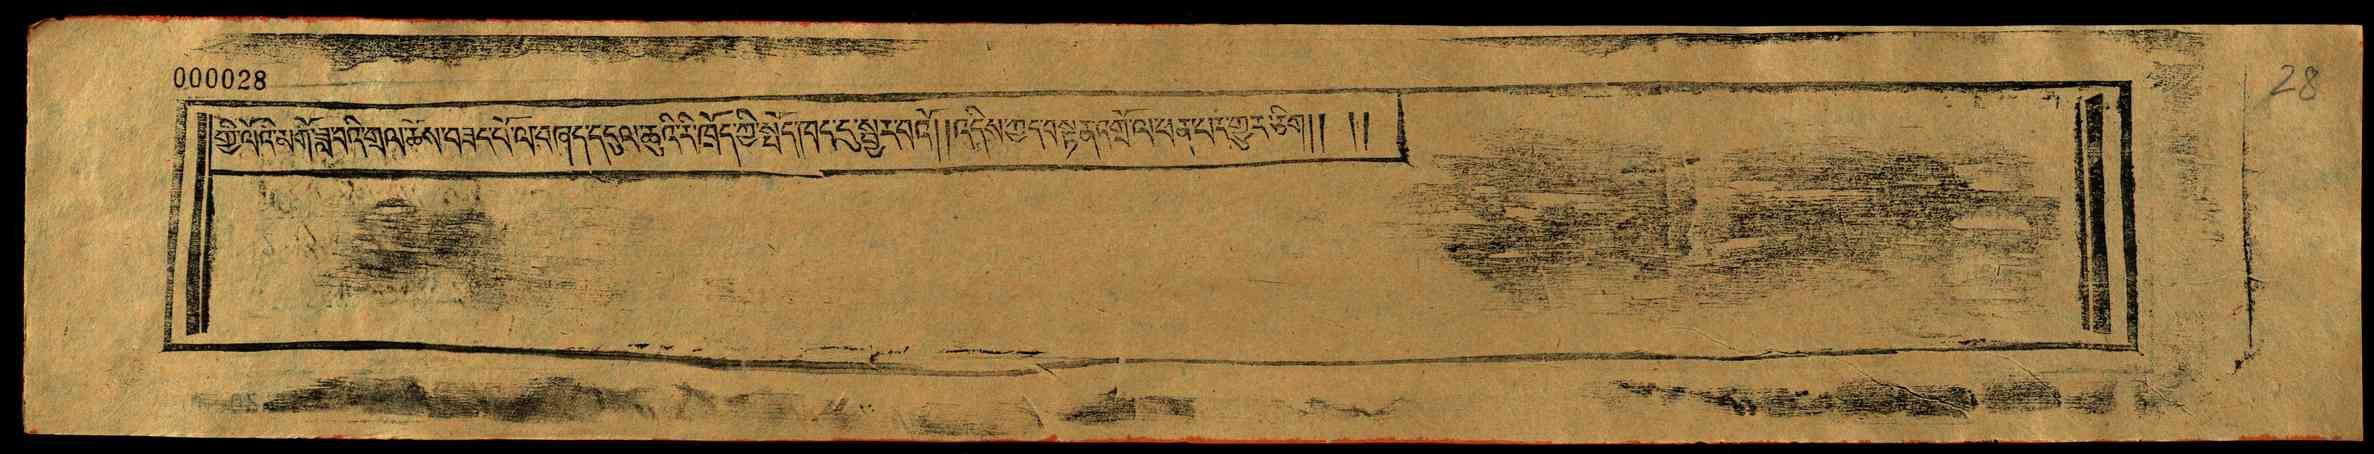གྱི་ལོའི་མགོ་ཟླ་བའི་གྲལ་ཚེས་བཟང་པོ་ལ་བཞད་དངུལ་ཆུའི་རི་ཁྲོད་ཀྱི་སྤོང་ཁང་དུ་སྦྱར་བའོ། །འདིས་ཀྱང་བསྟན་འགྲོ་ལ་ཕན་པར་གྱུར་ཅིག ། །།